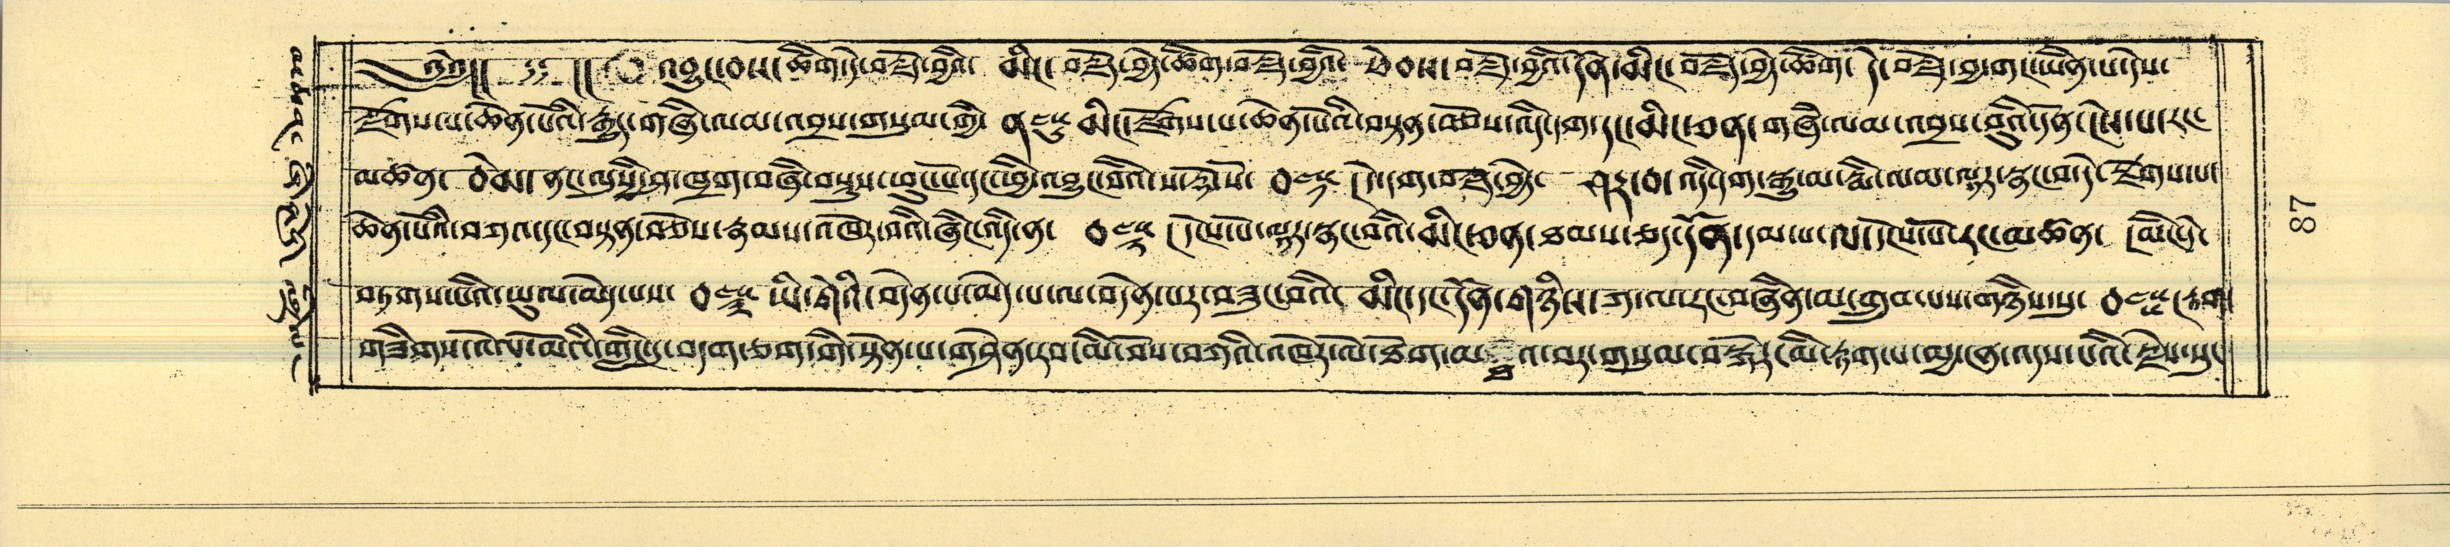འབྱུང་བས་ཚིག་དེ་བརྗོད་བྱའི་ མིང་རྗོད་བྱེད་ཚིག་བརྗོད་བྱའི་༼ཕེབས༽བརྗོད་བྱའི་༼དོན་མིང་༽རྗོད་བྱེད་ཚིག་༼དེ༽བརྗོད་བྱ་གང་ཡིན་པ་དེས་
རྫོགས་པ་ཆེན་པོའི་རྒྱུད་གཞི་ལམ་འབྲས་གསུམ་གྱི་ ན༤༥།༦༼མིང༽རྫོགས་པ་ཆེན་པོའི་བསྟན་བཅོས་འདི་དག་༼དང་མིང་ན༽གཞི་ལམ་འབྲས་བུའི་དོན་༼ངེས་པ༽རང་
མཚན་༼བེམ༽ནང་ལུས་ཀྱི་ཤ་ཁྲག་གཞི་བསྡུས་ཕུང་པོ་དང་ཕྱི་འབྱུང་བའི་ས་རྡོ་སོ་ བ༤༥། ༡ དེ་དག་རྗོད་བྱེད་༼ཤར་བ༽འདི་དག་སྒྱུ་མ་རྨི་ལམ་ལྟར་སྣང་བ་དེ་རྫོགས་པ་
ཆེན་པོའི་བཀའ་དང་བསྟན་བཅོས་རྣམས་འཁོར་བའི་ཞིང་འདི་ན་ བ༤༥།༢ དངོས་པོ་ལྟར་སྣང་བའི་༼མིང་ཅན༽ཐམས་ཅད་༼དོན༽དམ་པ་༼ལ༽དངོས་པོ་རང་མཚན་ མིང་དེ་
བཏགས་པའི་ཡུལ་མེད་པས་ བ༤༥།༣ ༼ཡི་གེའི༽བདེན་པ་མེད་པ་ལ་བདེན་པར་བཟུང་བའི་༼མིང་དང་དོན་གཉིས༽ཀ་ལ་རང་བཞིན་མ་གྲུབ་པས་གཉིས་སུ་ བ༤༥།༥ རྟགས་
གཟིགས་འོལ་མོའི་གླིང་དུ་བདག་ཅག་གི་སྟོན་པ་གཤེན་རབ་མི་བོས་བཀའི་འཁོར་ལོ་ཐོག་མཐའ་བར་གསུམ་བསྐོར་མི་རྟག་པ་མྱ་ངན་ལས་འདས་པའི་རྗེས་སུ་